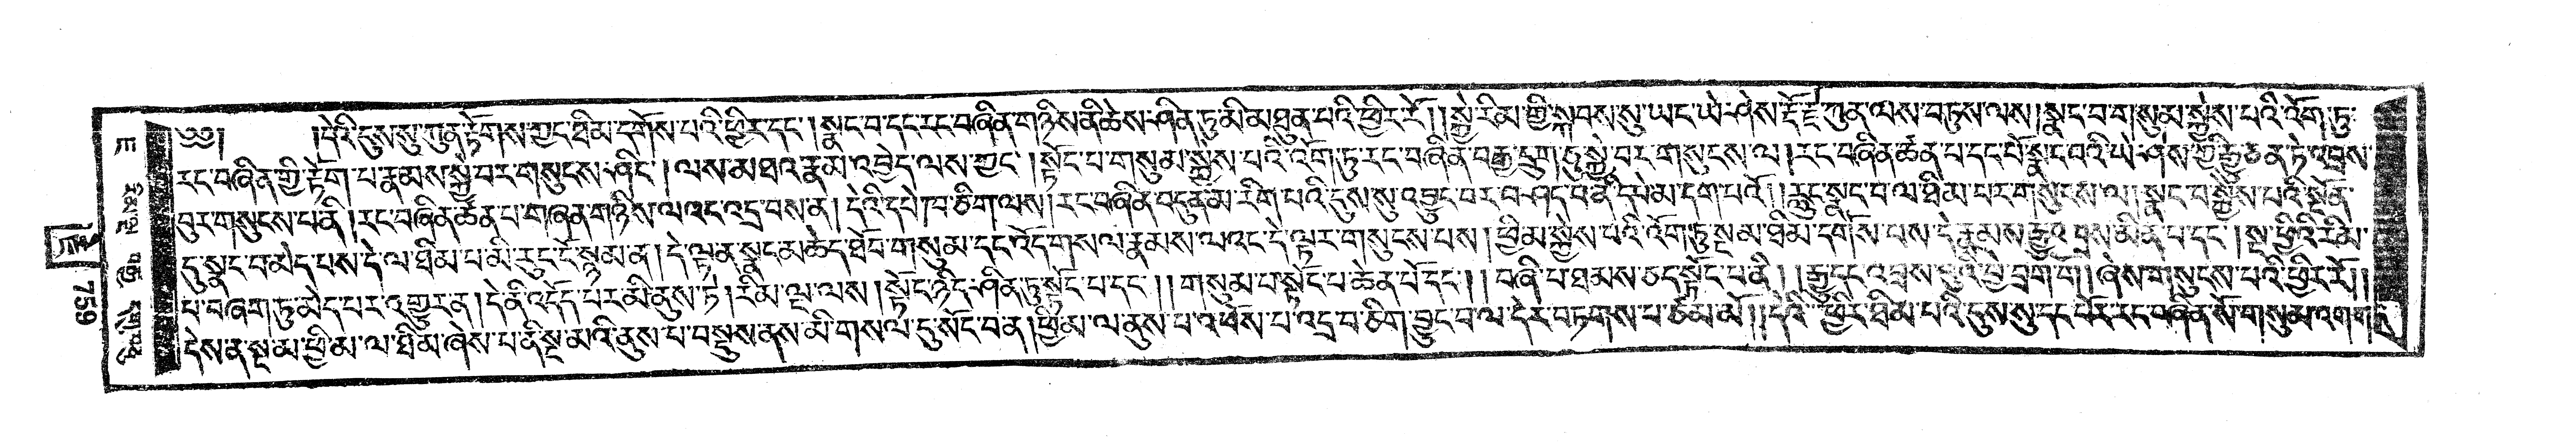༄༅། །དེའི་དུས་སུ་ཀུན་རྟོགས་ཀྱང་ཐིམ་དགོས་པའི་ཕྱིར་དང་། སྣང་བ་དང་རང་བཞིན་གཉིས་ནི་ཆེས་ཤིན་ཏུ་མི་མཐུན་པའི་ཕྱིར་རོ། །སྐྱེ་རིམ་གྱི་སྐབས་སུ་ཡང་ཡེ་ཤེས་རྡོ་རྗེ་ཀུན་ལས་བཏུས་ལས། སྣང་བ་གསུམ་སྐྱེས་པའི་འོག་ཏུ་
རང་བཞིན་གྱི་རྟོག་པ་རྣམས་སྐྱེ་བར་གསུངས་ཤིང་། ལས་མཐའ་རྣམ་འབྱེད་ལས་ཀྱང་། སྟོང་པ་གསུམ་སྐྱེས་པའི་འོག་ཏུ་རང་བཞིན་བརྒྱ་དྲུག་ཅུ་སྐྱེ་བར་གསུངས་ལ། རང་བཞིན་ཚན་པ་དང་པོ་སྣང་བའི་ཡེ་ཤེས་ཀྱི་རྒྱུ་ཅན་ཏེ་འབྲས་
བུར་གསུངས་པ་ནི། རང་བཞིན་ཚན་པ་གཞན་གཉིས་ལའང་འདྲ་བས་ན། དེའི་དཔེ་ཁ་ཅིག་ལས། རང་བཞིན་བདུན་མ་རིག་པའི་དུས་སུ་འབྱུང་བར་བཤད་པ་ནི་དཔེ་མ་དག་པའོ། །རླུང་སྣང་བ་ལ་ཐིམ་པར་གསུངས་ལ། སྣང་བ་སྐྱེས་པའི་སྔོན་
དུ་སྣང་བ་མེད་པས་དེ་ལ་ཐིམ་པ་མི་རུང་ངོ་སྙམ་ན། དེ་ལྟ་ན་སྣང་མཆེད་ཐོབ་གསུམ་དང་འོད་གསལ་རྣམས་ལའང་དེ་ལྟར་གསུངས་པས། ཕྱི་མ་སྐྱེས་པའི་འོག་ཏུ་སྔ་མ་ཐིམ་དགོས་པས་དེ་རྣམས་རྒྱུ་འདྲས་མིན་པ་དང་། སྔ་ཕྱིའི་རིམ་
པ་བཞག་ཏུ་མེད་པར་འགྱུར་ན། དེ་ནི་འདོད་པར་མི་ནུས་ཏེ། རིམ་ལྔ་ལས། སྟོང་ཉིད་ཤིན་ཏུ་སྟོང་པ་དང་། །གསུམ་པ་སྟོང་པ་ཆེན་པོ་དང་། །བཞི་པ་ཐམས་ཅད་སྟོང་པ་ནི། །རྒྱུ་དང་འབྲས་བུའི་བྱེ་བྲག་གོ །ཞེས་གསུངས་པའི་ཕྱིར་རོ། །
དེས་ན་སྔ་མ་ཕྱི་མ་ལ་ཐིམ་ཞེས་པ་ནི་སྔ་མའི་ནུས་པ་བསྡུས་ནས་མི་གསལ་དུ་སོང་བ་ན། ཕྱི་མ་ལ་ནུས་པ་འཕོས་པ་འདྲ་བ་ཅིག་བྱུང་བ་ལ་དེར་བཏགས་པ་ཙམ་མོ། །དེའི་ཕྱིར་ཐིམ་པའི་དུས་སུ་དང་པོར་རང་བཞིན་སོ་གསུམ་འགག་